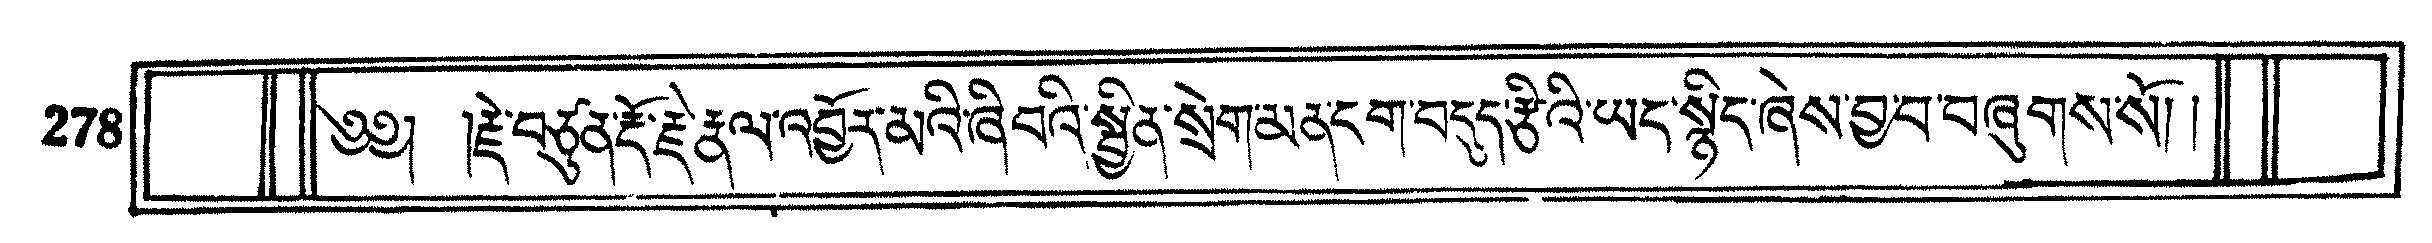༄༅། །རྗེ་བཙུན་རྡོ་རྗེ་རྣལ་འབྱོར་མའི་ཞི་བའི་སྦྱན་སྲག་མན་ངག་བདུད་རྩིའི་ཡང་སྙིང་ཞེས་བྱ་བ་བཞུགས་སོ། །